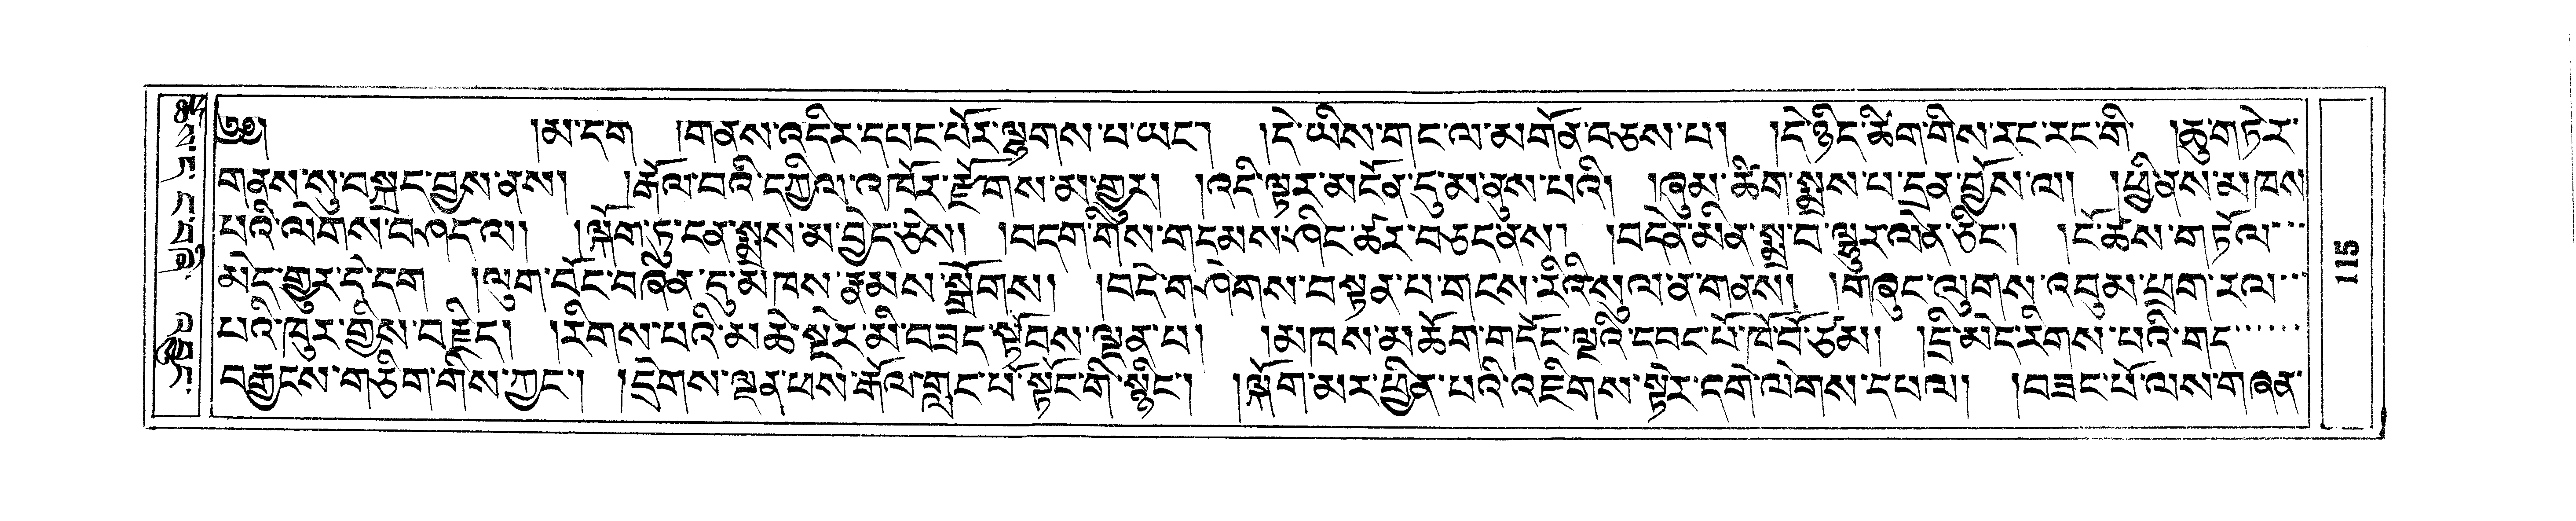༄༅། །མ་དག །གནས་འདིར་དཔང་པོར་ལྷགས་པ་ཡང་། །དེ་ཡིས་གང་ལ་མགོན་བཅས་པ། །དེ་ཉིད་ཚིག་གིས་རང་རང་གི །ཆུ་གཏེར་
གནས་སུ་བསྐྲད་བྱས་ནས། །རྒོལ་བའི་དཀྱིལ་འཁོར་རྫོགས་མ་གྱུར། །འདི་ལྟར་མངོན་དུ་མ་ནུས་པའི། །ཞུམ་ཚིག་སྨྲས་པ་དྲན་བྱོས་ལ། །ཕྱི་ནས་མཁས་
པའི་ལེགས་བཤད་ལ། །ལྐོག་ཏུ་ངན་སྨྲས་མ་བྱེད་ཅེས། །བདག་གིས་གདམས་ཤིང་ཚར་བཅས་ནས། །བདེན་མིན་སྨྲ་བ་ལྷུར་ལེན་ཅིང་། །ངོ་ཚས་གཏོལ་
མེད་གྱུར་དེ་དག །ལུག་བོང་བཞིན་དུ་མཁས་རྣམས་སྒྲོགས། །བདེ་གཤེགས་བསྟན་པ་གངས་རིའི་སུ་ལ་ན་གནས། །གཞུང་ལུགས་འབུམ་ཕྲག་རལ་
པའི་ཁུར་གྱིས་བརྗིད། །རིགས་པའི་མཆེ་སྡེར་མི་བཟད་སྟོབས་ལྡན་པ། །མཁས་མཆོག་གདོང་ལྔའི་དབང་པོ་ཁོ་བོ་ཙམ། །དྲི་མེད་རིགས་པའི་གད་
བརྒྱངས་གཅིག་གིས་ཀྱང་། །དྲེགས་ལྡན་ཕས་རྒོལ་གླང་པོ་སྟོང་གི་སྙིང་། །ལྐོག་མར་ཕྱིན་པའི་འཇིགས་སྟེར་དགེ་ལེགས་དཔལ། །བཟང་པོ་ལས་གཞན་